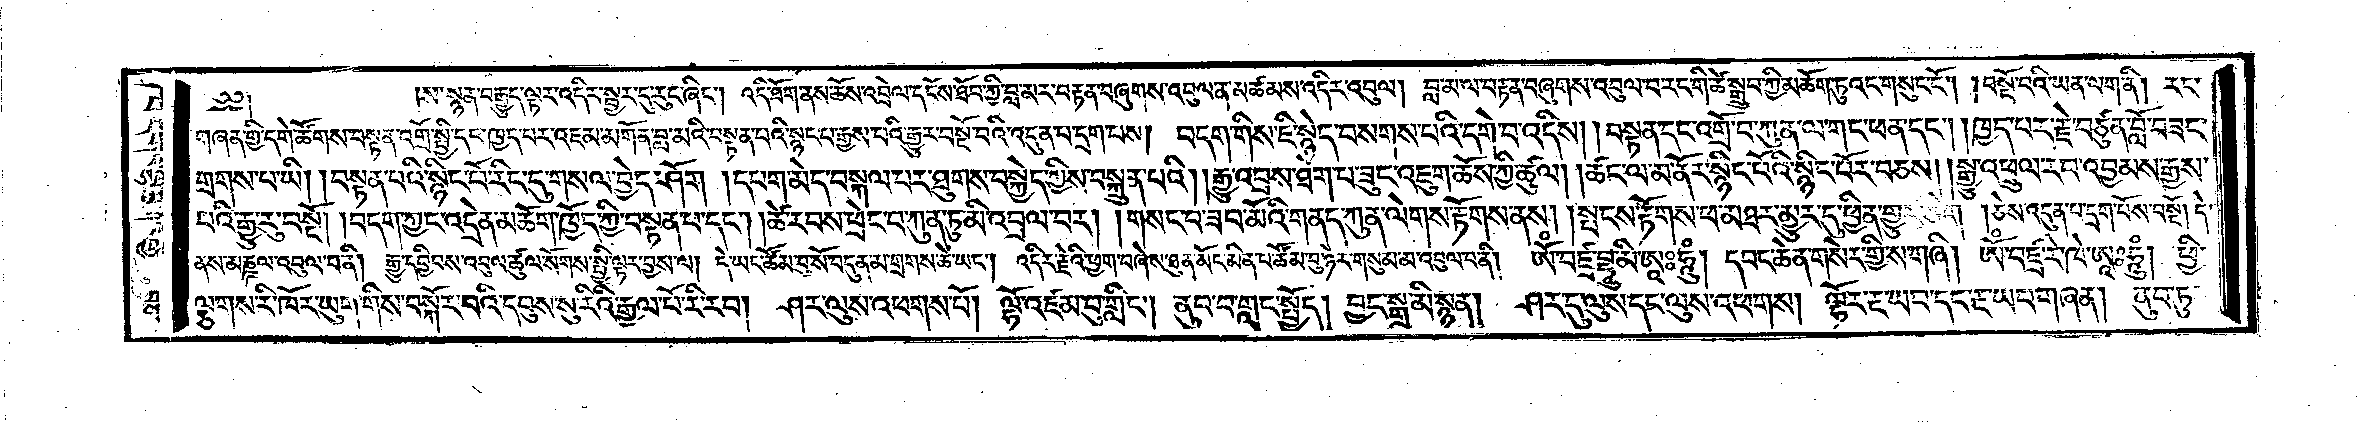༄༅། །ས་སྙན་བརྒྱུད་ལྟར་འདིར་སྦྱར་དུ་རུང་ཞིང་། འདི་ཐོག་ནས་ཆོས་འབྲེལ་དངོས་ཐོབ་ཀྱི་བླ་མར་བརྟན་བཞུགས་འབུལ་ན་མཚམས་འདིར་འབུལ། བླ་མ་ལ་བརྟན་བཞུགས་འབུལ་བ་རང་གི་ཚེ་སྒྲུབ་ཀྱི་མཆོག་ཏུའང་གསུང་ངོ། །བསྔོ་བའི་ཡན་ལག་ནི། རང་
གཞན་གྱི་དགེ་ཚོགས་བསྟན་འགྲོ་སྤྱི་དང་ཁྱད་པར་འཇམ་བླ་མའི་བསྟན་པའི་སྙང་པ་རྒྱས་པའི་རྒྱུར་བསྔོ་པའི་འདུན་པ་དྲག་པས། བདག་གིས་རྗེ་སྙེད་བསགས་པའི་དགེ་པ་འདིས། །བསྟན་དང་འགོར་བ་ཀུན་ལ་གང་ཕན་དང་། །ཁྱད་པར་རྗེ་བཙུན་བློ་བཟང་
གྲགས་པ་ཡི། །བསྟན་པའི་སྙིང་པོ་རིང་དུ་གསལ་བྱེད་ཤོག །དཔག་མེད་བསྐལ་པར་ཐུགས་བསྐྱེད་ཀྱིས་བསྐྲུན་པའི། །རྒྱུ་འབྲས་ཐག་པ་ཟུང་འཇུག་ཆོས་ཀྱི་ཚུལ། །ཚང་ལ་མ་ནོར་སྙིང་པོའི་སྙིང་པོར་བཅས། །སྒྱུ་འཕྲུལ་རབ་འབྱམས་རྒྱས་
པའི་རྒྱུ་རུ་བསྔོ། །བདག་ཀྱང་འདྲེན་མཆོག་ཁྱོད་ཀྱི་བསྟན་པ་དང་། །ཚེ་རབས་ཕྲེང་བ་ཀུན་ཏུ་མི་འབྲལ་བར། །གསང་བ་ཟབ་མོའི་གནད་ཀུན་ལེགས་རྟོགས་ནས། །སྤངས་རྟོགས་ཕ་མཐར་མྱུར་དུ་ཕྱིན་གྱུར་ཅིག །ཅེས་འདུན་པ་དྲག་པོས་བསྔོ། དེ་
ནས་མཎྜལ་འབུལ་བ་ནི། །རྒྱུ་དབྱིབས་འབུལ་ཚུལ་སོགས་སྤྱི་ལྟར་བྱས་ལ། །དེ་ཡང་ཚོམས་བུ་སོ་བདུན་མ་གྲགས་ཚེ་ཡང་། འདིར་རྗེའི་ཕྱག་བཞེས་ཐུན་མོང་མིན་པ་ཚོམ་བུ་ཉེར་གསུམ་མ་འབུལ་བ་ནི། ཨོཾ་བཛྲ་བྷཱུ་མི་ཨཱཿ ཧཱུཾ། དབང་ཆེན་གསེར་གྱི་ས་གཞི། ཨོཾ་བཛྲ་ཏེ་ཁེ་ཨཱཿ ཧཱུཾ། ཕྱི་
ལྕགས་རི་ཁོར་ཡུག་གིས་བསྐོར་བའི་དབུས་སུ་རིའི་རྒྱལ་པོ་རི་རབ། །ཤར་ལུས་འཕགས་བོ། །ལྷོ་འཛམ་བུ་གླིང་། །ནུབ་བ་གླང་སྤྱོད། བྱང་སྒྲ་མི་སྙན། །ཤར་དུ་ལུས་དང་ལུས་འཕགས། ལྷོར་རྔ་ཡབ་དང་རྔ་ཡབ་གཞན། ནུབ་ཏུ་